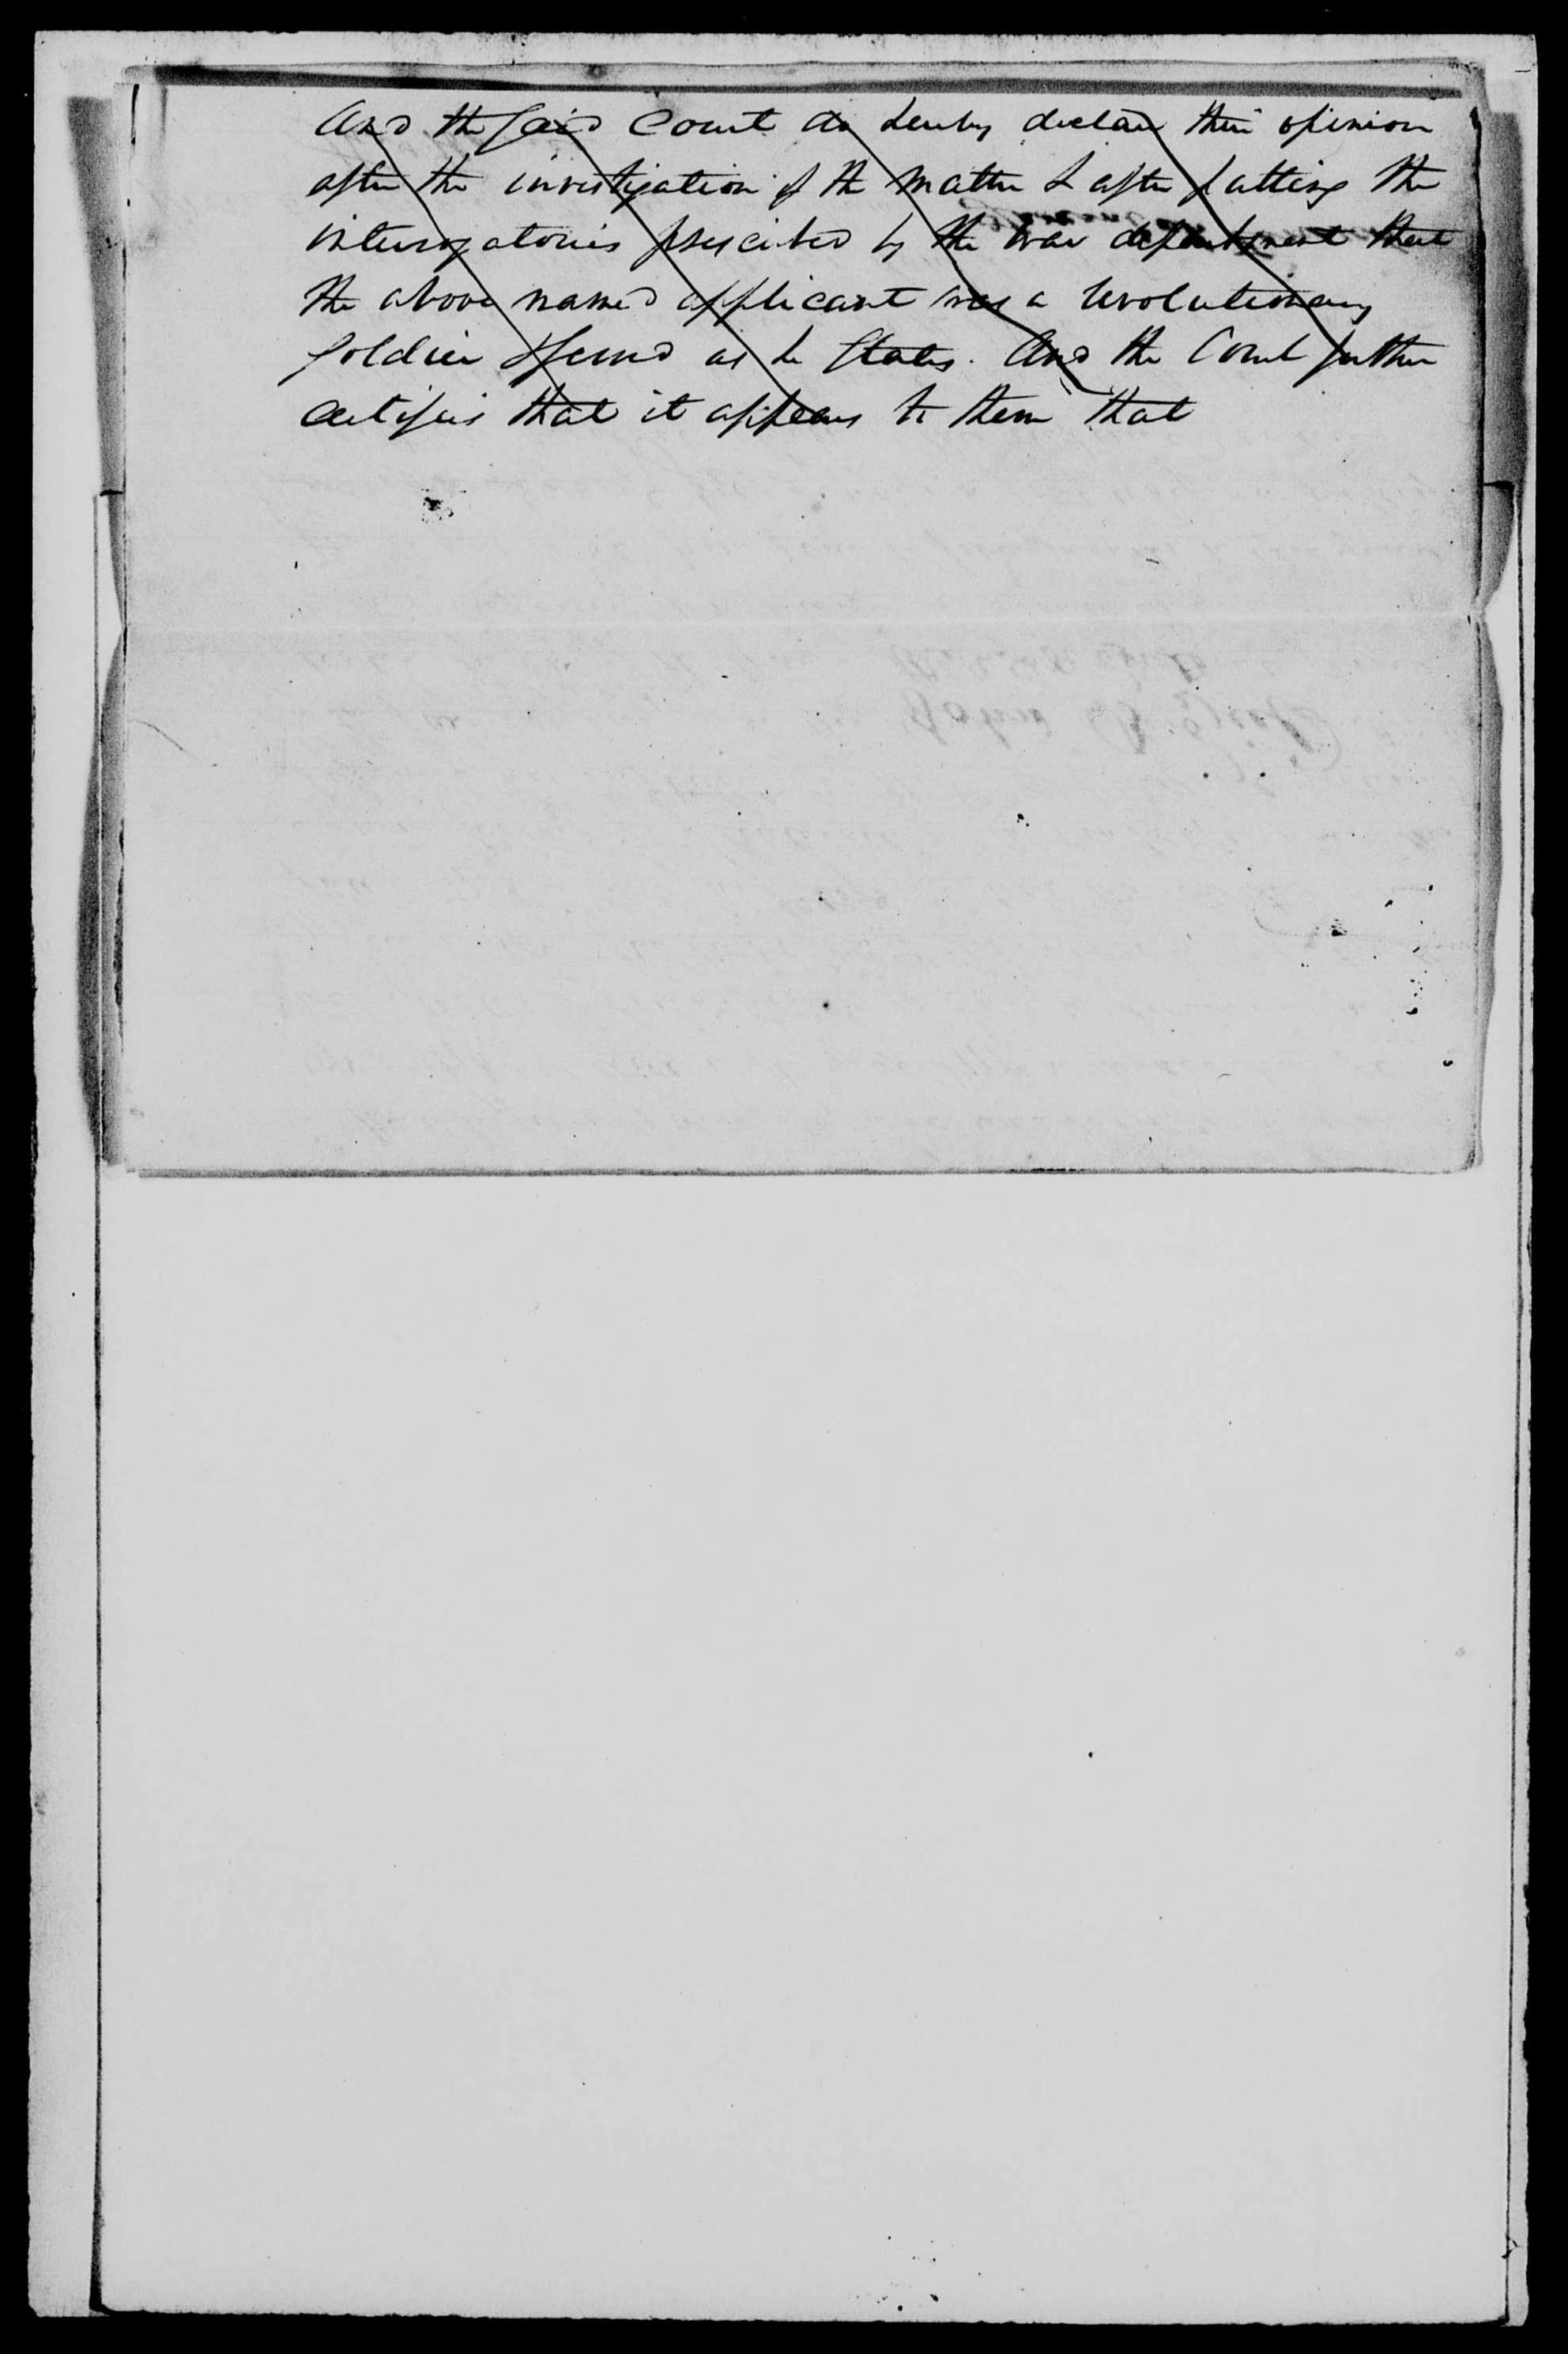[the following lines have all been crossed out]
and the said court do hereby declare their opinion after the investigation of the matter + after putting the interrogatories prescribed by the war department that the above named applicant was a revolutionary soldier + served as he states. And the Court further certifies that it appears to them that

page: 11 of 77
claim: widow's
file: W. 417, William De Groot, New Jersey